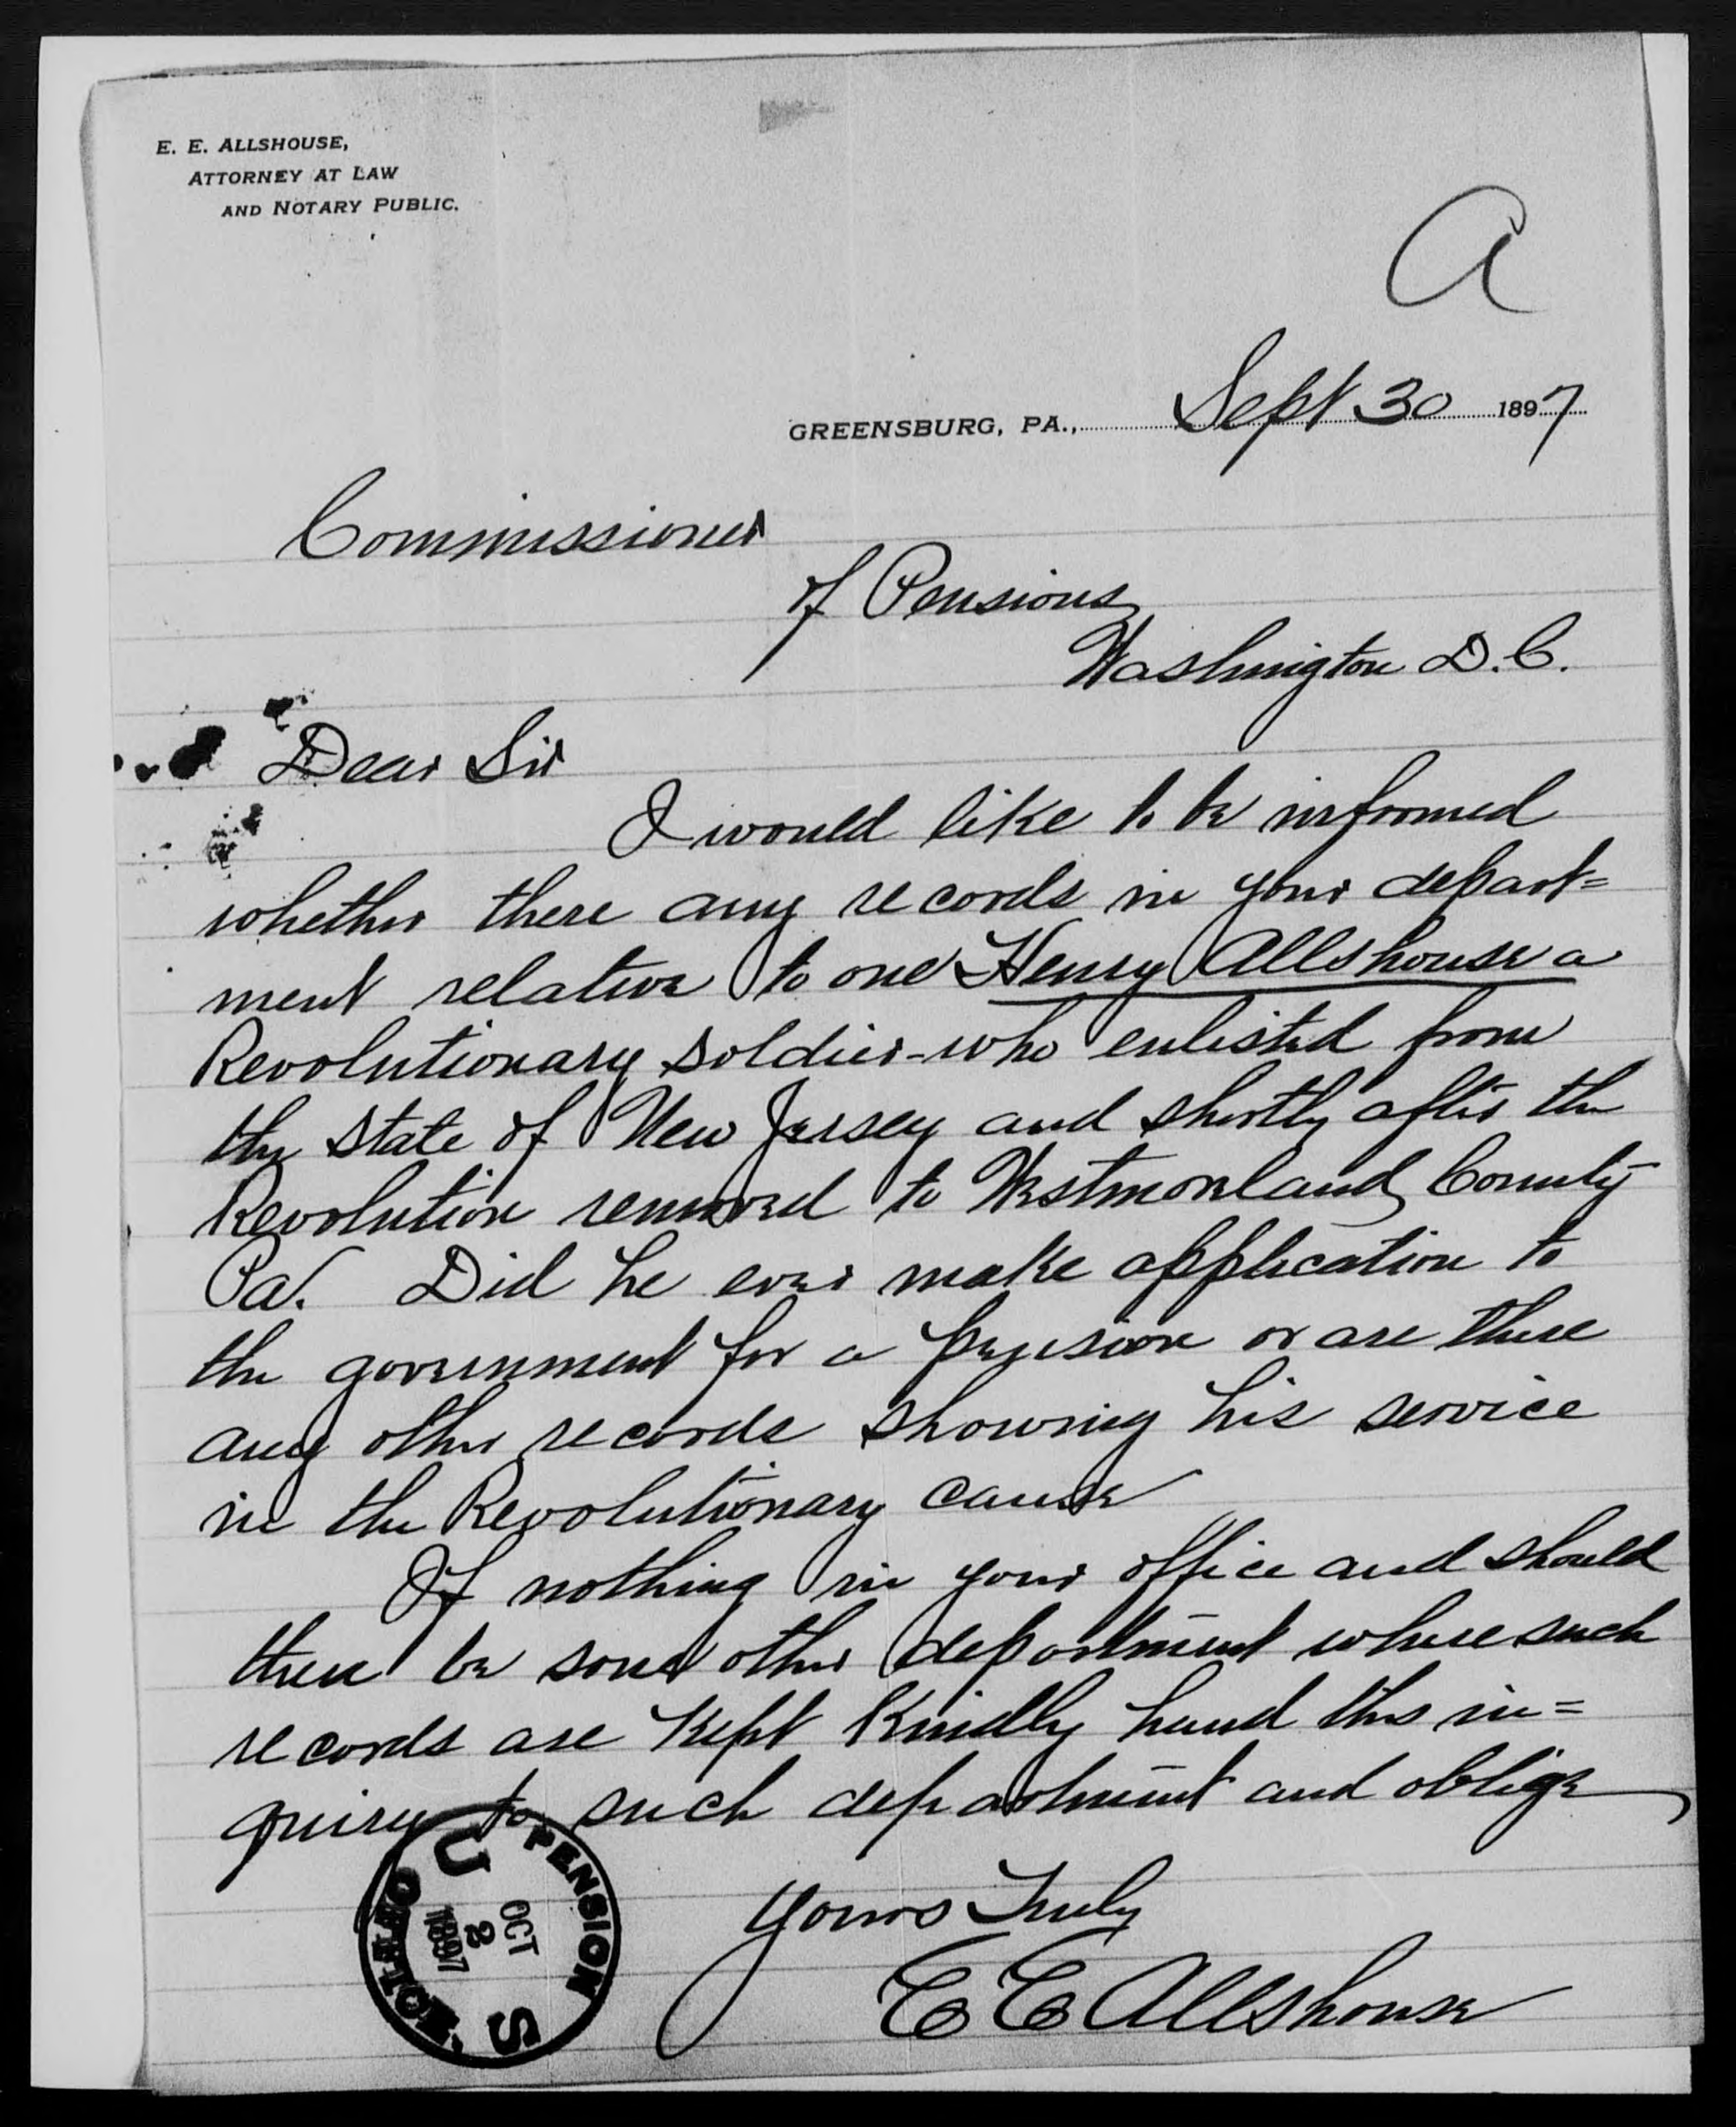E. E. Allshouse,
Attorney at Law
and Notary Public

Greensburg, PA., Sept 30 1897

Commisioner
of Pensions
Washington D.C.

Dear Sir
I would like to be informed whether there any records in your department relative to one Henry Allshouse a Revolutionary soldier who enlisted from the state of New Jersey and shortly after the Revolution removed to Westmoreland County Pa. Did he ever make application to the government for a pension or are there any other records showing his service in the Revolutionary cause
If nothing sir your office and should there be send other department where such records are kept kindly hand this inquiry to such department and office
Yours Truly
E E Allshouse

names: Henry Allshouse, E E Allshouse, E E Allshouse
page: 21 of 24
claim: survivor's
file: S. 2032, Henry Allshouse, Penn.